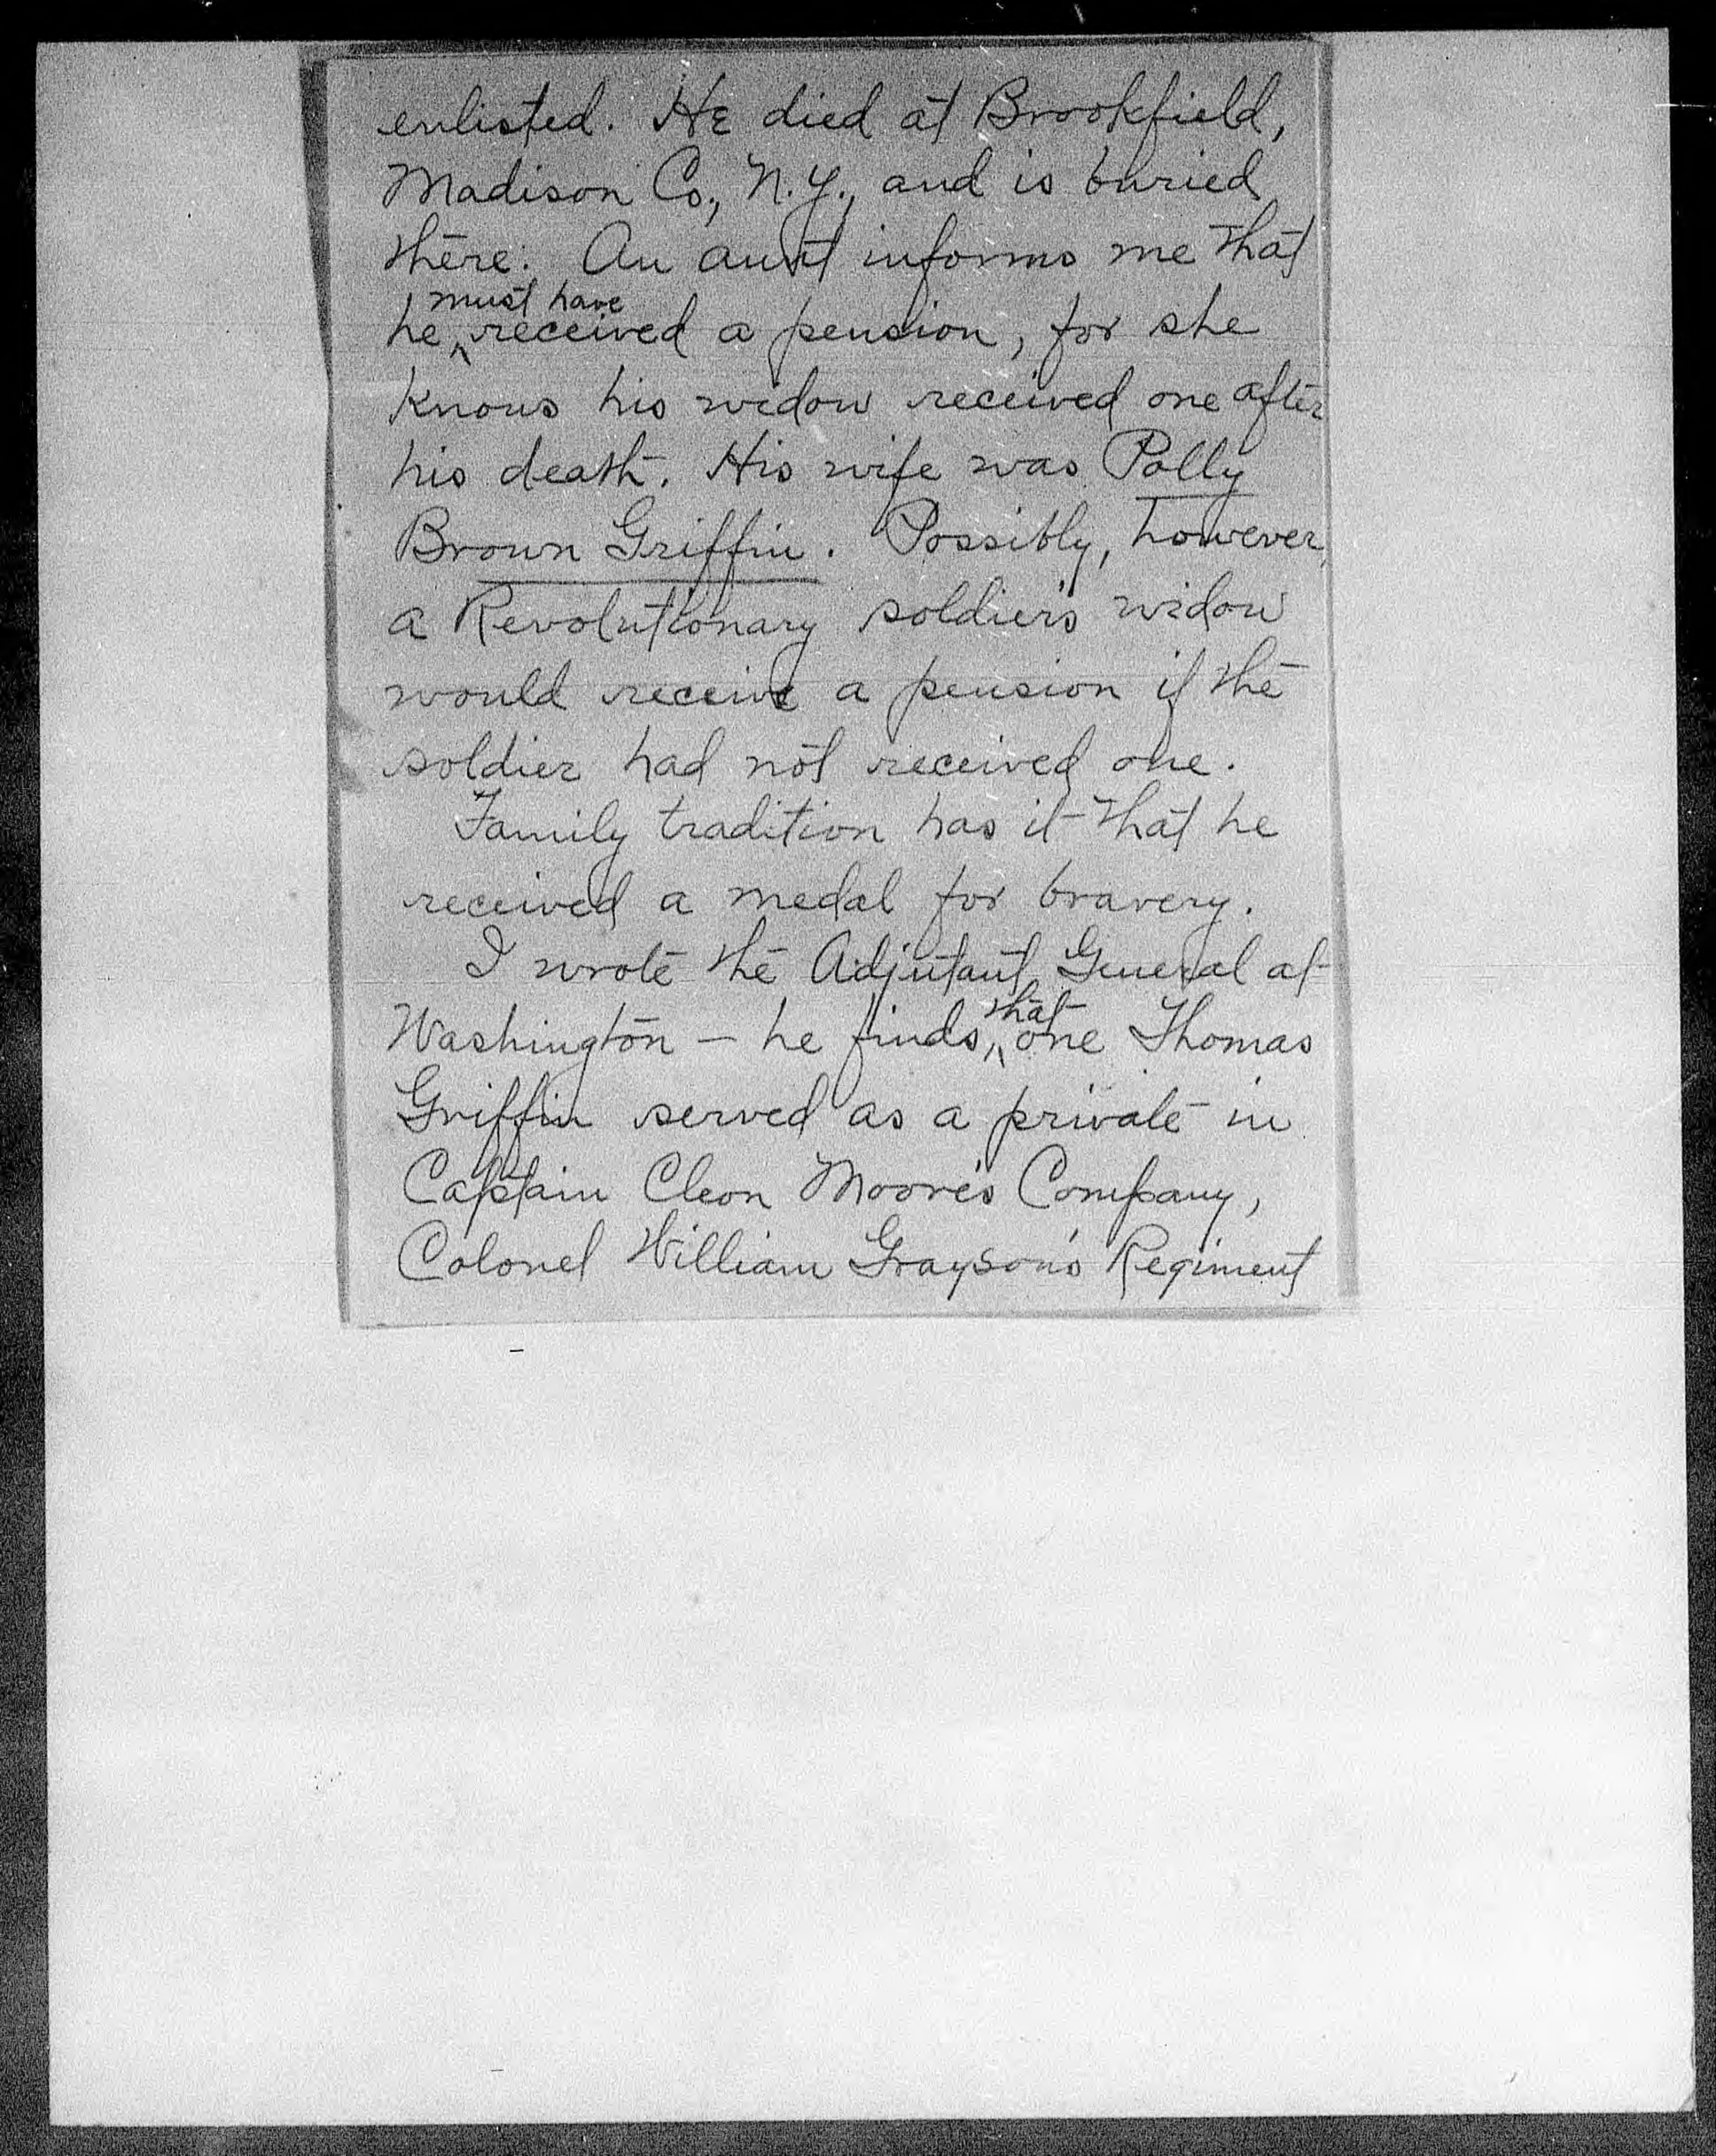enlisted. He died at Brookfield, Madison Co., N.Y. and is buried there. An audit informs me that he must have received a pension, for she knows his widow received one after his death. His wife was Polly Brown Griffin. Possibly, however, a Revolutionary soldier's widow would receive a pension if the soldier had not received one. Family tradition has it that he received a medal for bravery. I wrote the Adjutant General of Washington - he finds that one Thomas Griffin served as a private - in Captain Cleon Moore's Company, Colonel William Grayson's Regiment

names: Polly Brown Griffin, Thomas Griffin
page: 55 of 60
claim: widow's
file: W. 19,537, Thomas Griffin, Conn.